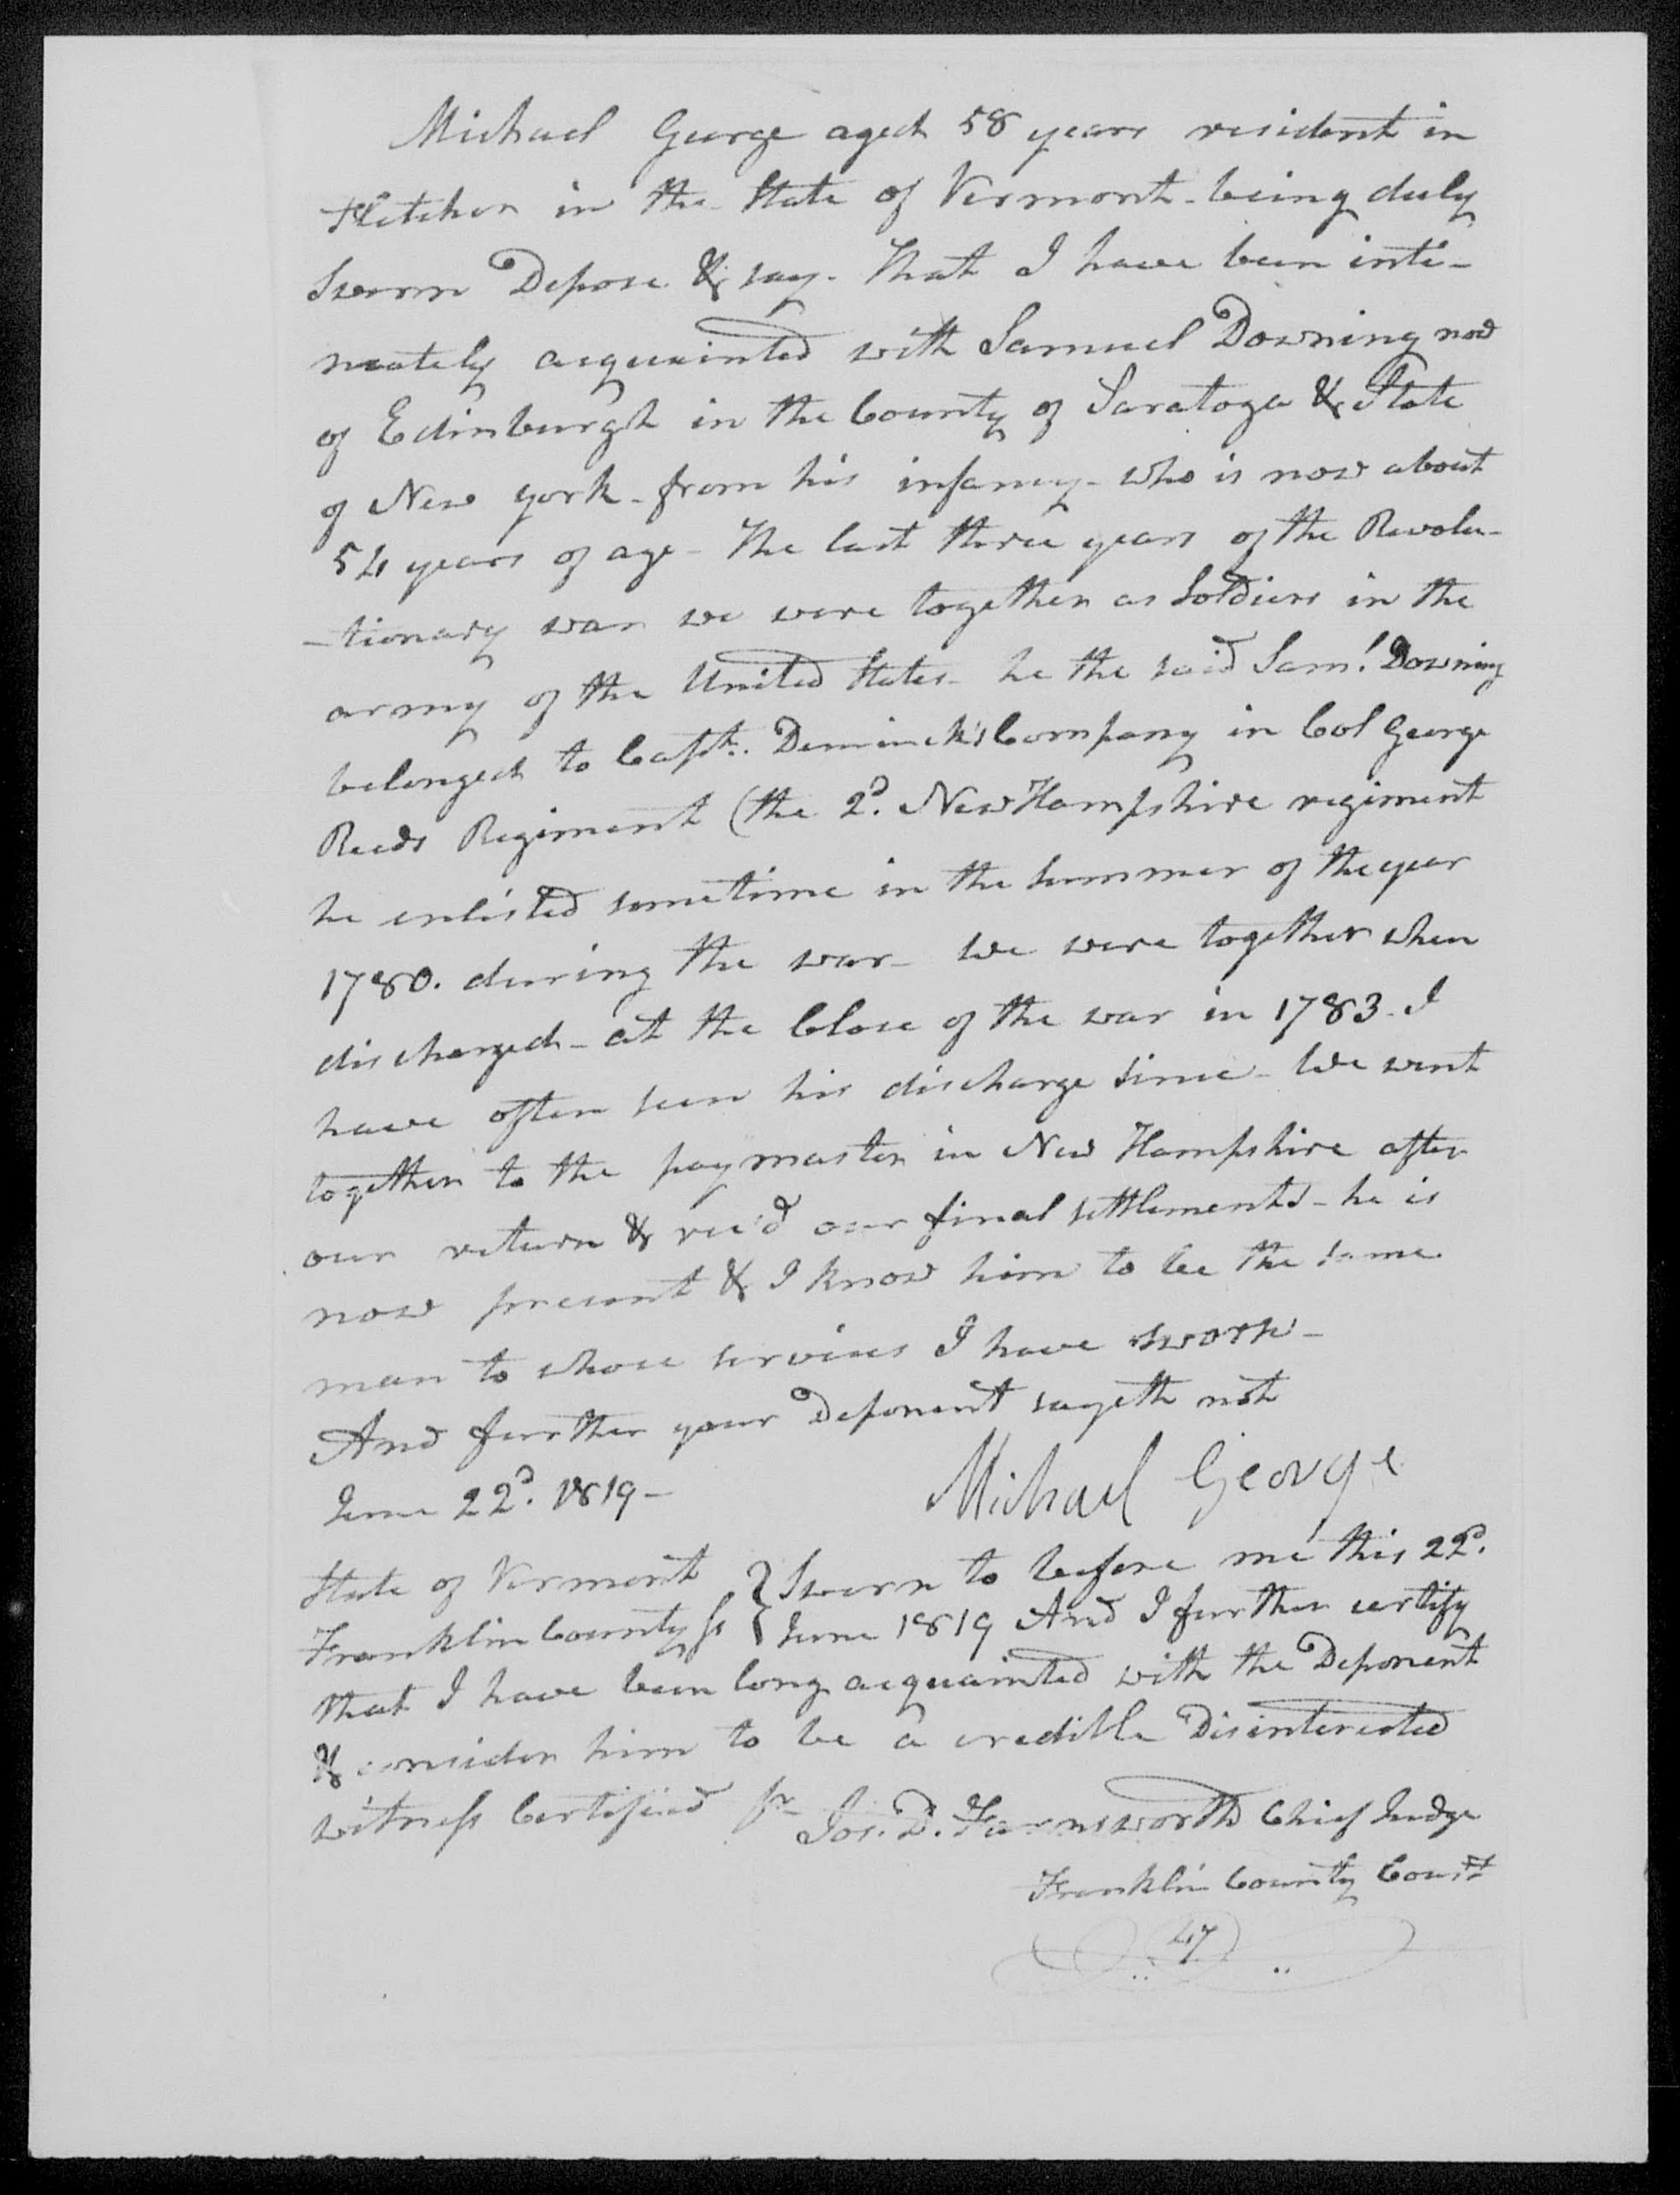Michael George 58 years resident in Fletcher in the state of Vermont being duly Sworn Depose & say. That I have been intimately acquainted with Samuel Downing now of Edinburgh in the County of Saratoga & State of New York from his infancy who is now about 56 years of age. The last three years of the Revolutionary War we were together as Soldiers in the army of the United States he the said Sam Downing belonged to Capt. Dennick’s Company in Col George Reeds Regiment (the 2d New Hampshire regiment he enlisted sometime in the Summer of the year 1780 during the war. We were together when discharged at the close of the war in 1783. I have often seen his discharge since. We went together to the paymaster in New Hampshire after our return & rec’d our final settlement- he is now present & I know him to be the same man to whose services I have sworn. And further your Deponent sayeth not
June 22 1819-           Michael George
State of Vermont Franklin County Ss
Sworn to before me this 22 June 1819 And I further certify that I have been long acquainted with the Deponent & consider him to be a credible Disinterested witness certified for
Jos. D. Farnsworth Chief Judge
Franklin County Court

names: Michael George, Michael George, Jon D Farnsworth, Saml Downing, Samuel Downing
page: 48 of 56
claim: survivor's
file: S. 40,055, Samuel Downing, N.H.